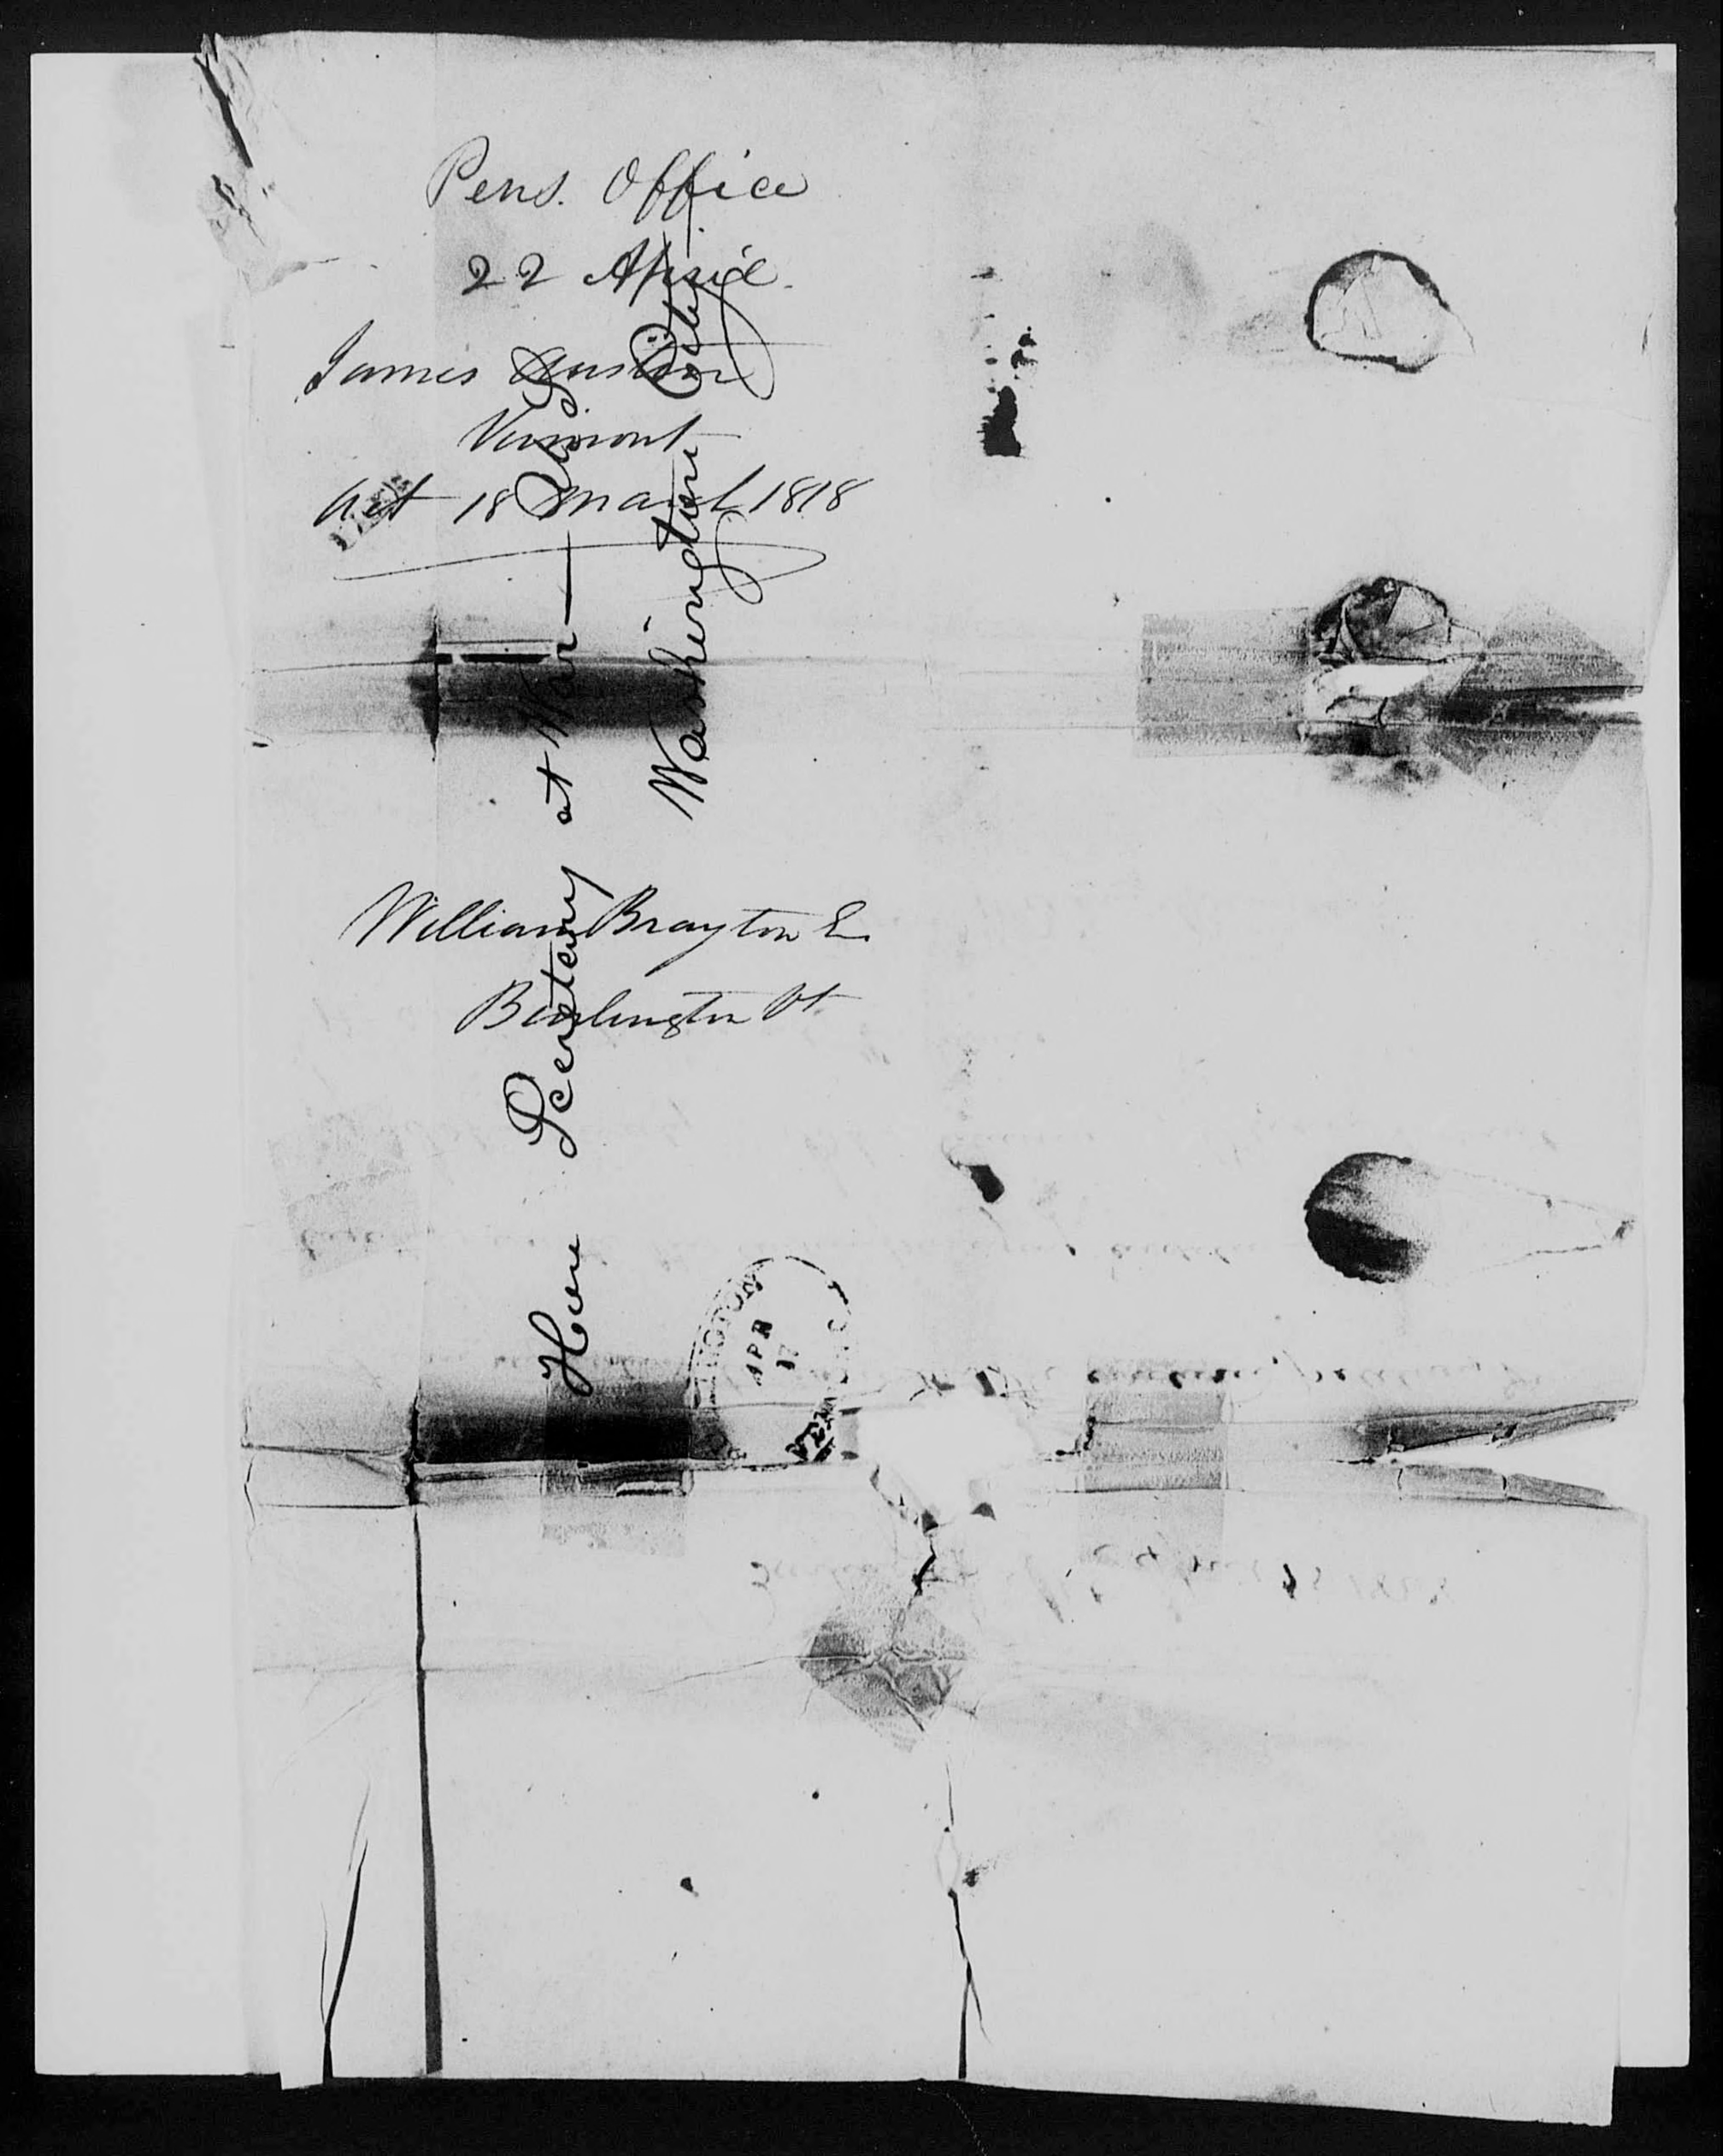Pens. Office
22 April
James Austin
Vermont - 
Let - 18 March 1818

William Brayton Sr
Burlington Vt.

[rotate page]
[illegible] Secretary at [smudge] U. S.
Washington City

[post mark]
BURLINGTON APR 17 VERMONT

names: James Austin, William Brayton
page: 86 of 100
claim: survivor's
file: S 19186, James Austin, Conn. New York R.I.